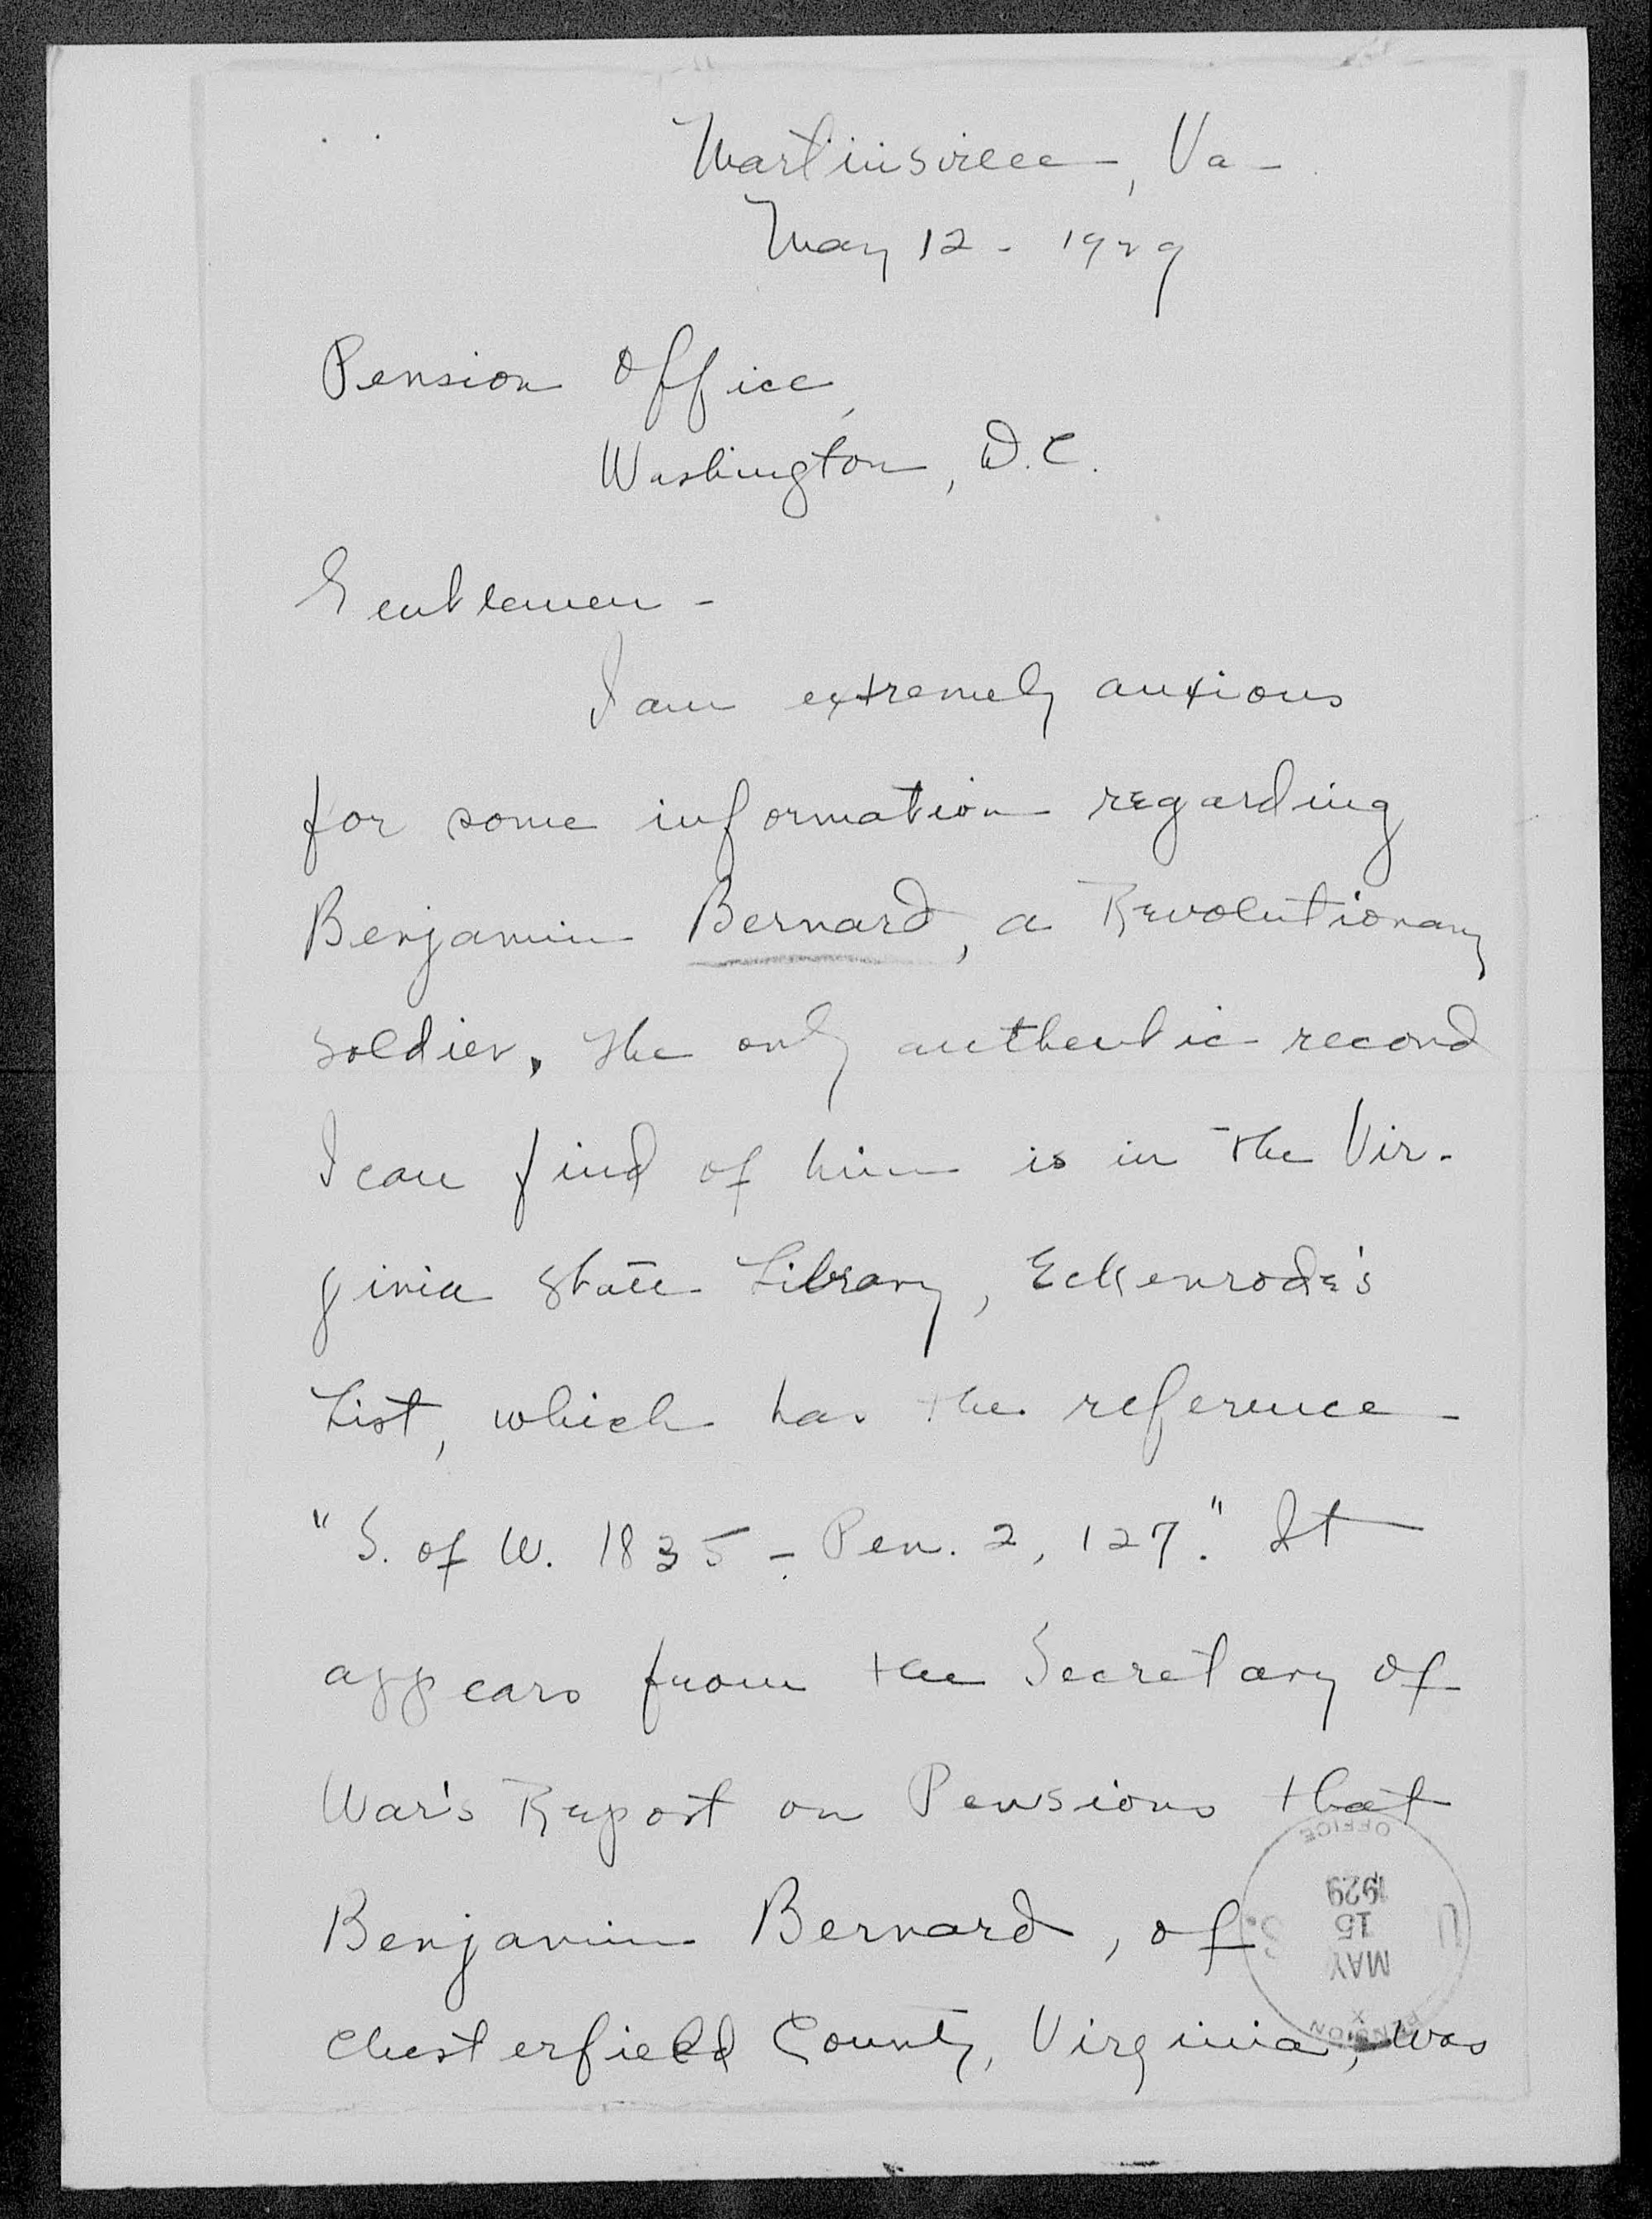Martinsville, Va
                             May 12, 1929

Pension Office
      Washington, D.C.

Gentlemen - 
     I am extremely anxious for some information regarding Benjamin Bernard, a Revolutionary soldier.  The only authentic record I can find of him is in the Virginia State Library, Eckenrode's List, which has the reference "S. of W. 1835 - Pen. 2, 127".  It appears from the Secretary of War's Report on Pensions that Benjamin Bernard, of Chesterfield County, Virginia, was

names: Benjamin Bernard, Benjamin Bernard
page: 17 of 18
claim: survivor's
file: S. 9096, Benjamin Barnard, Va.